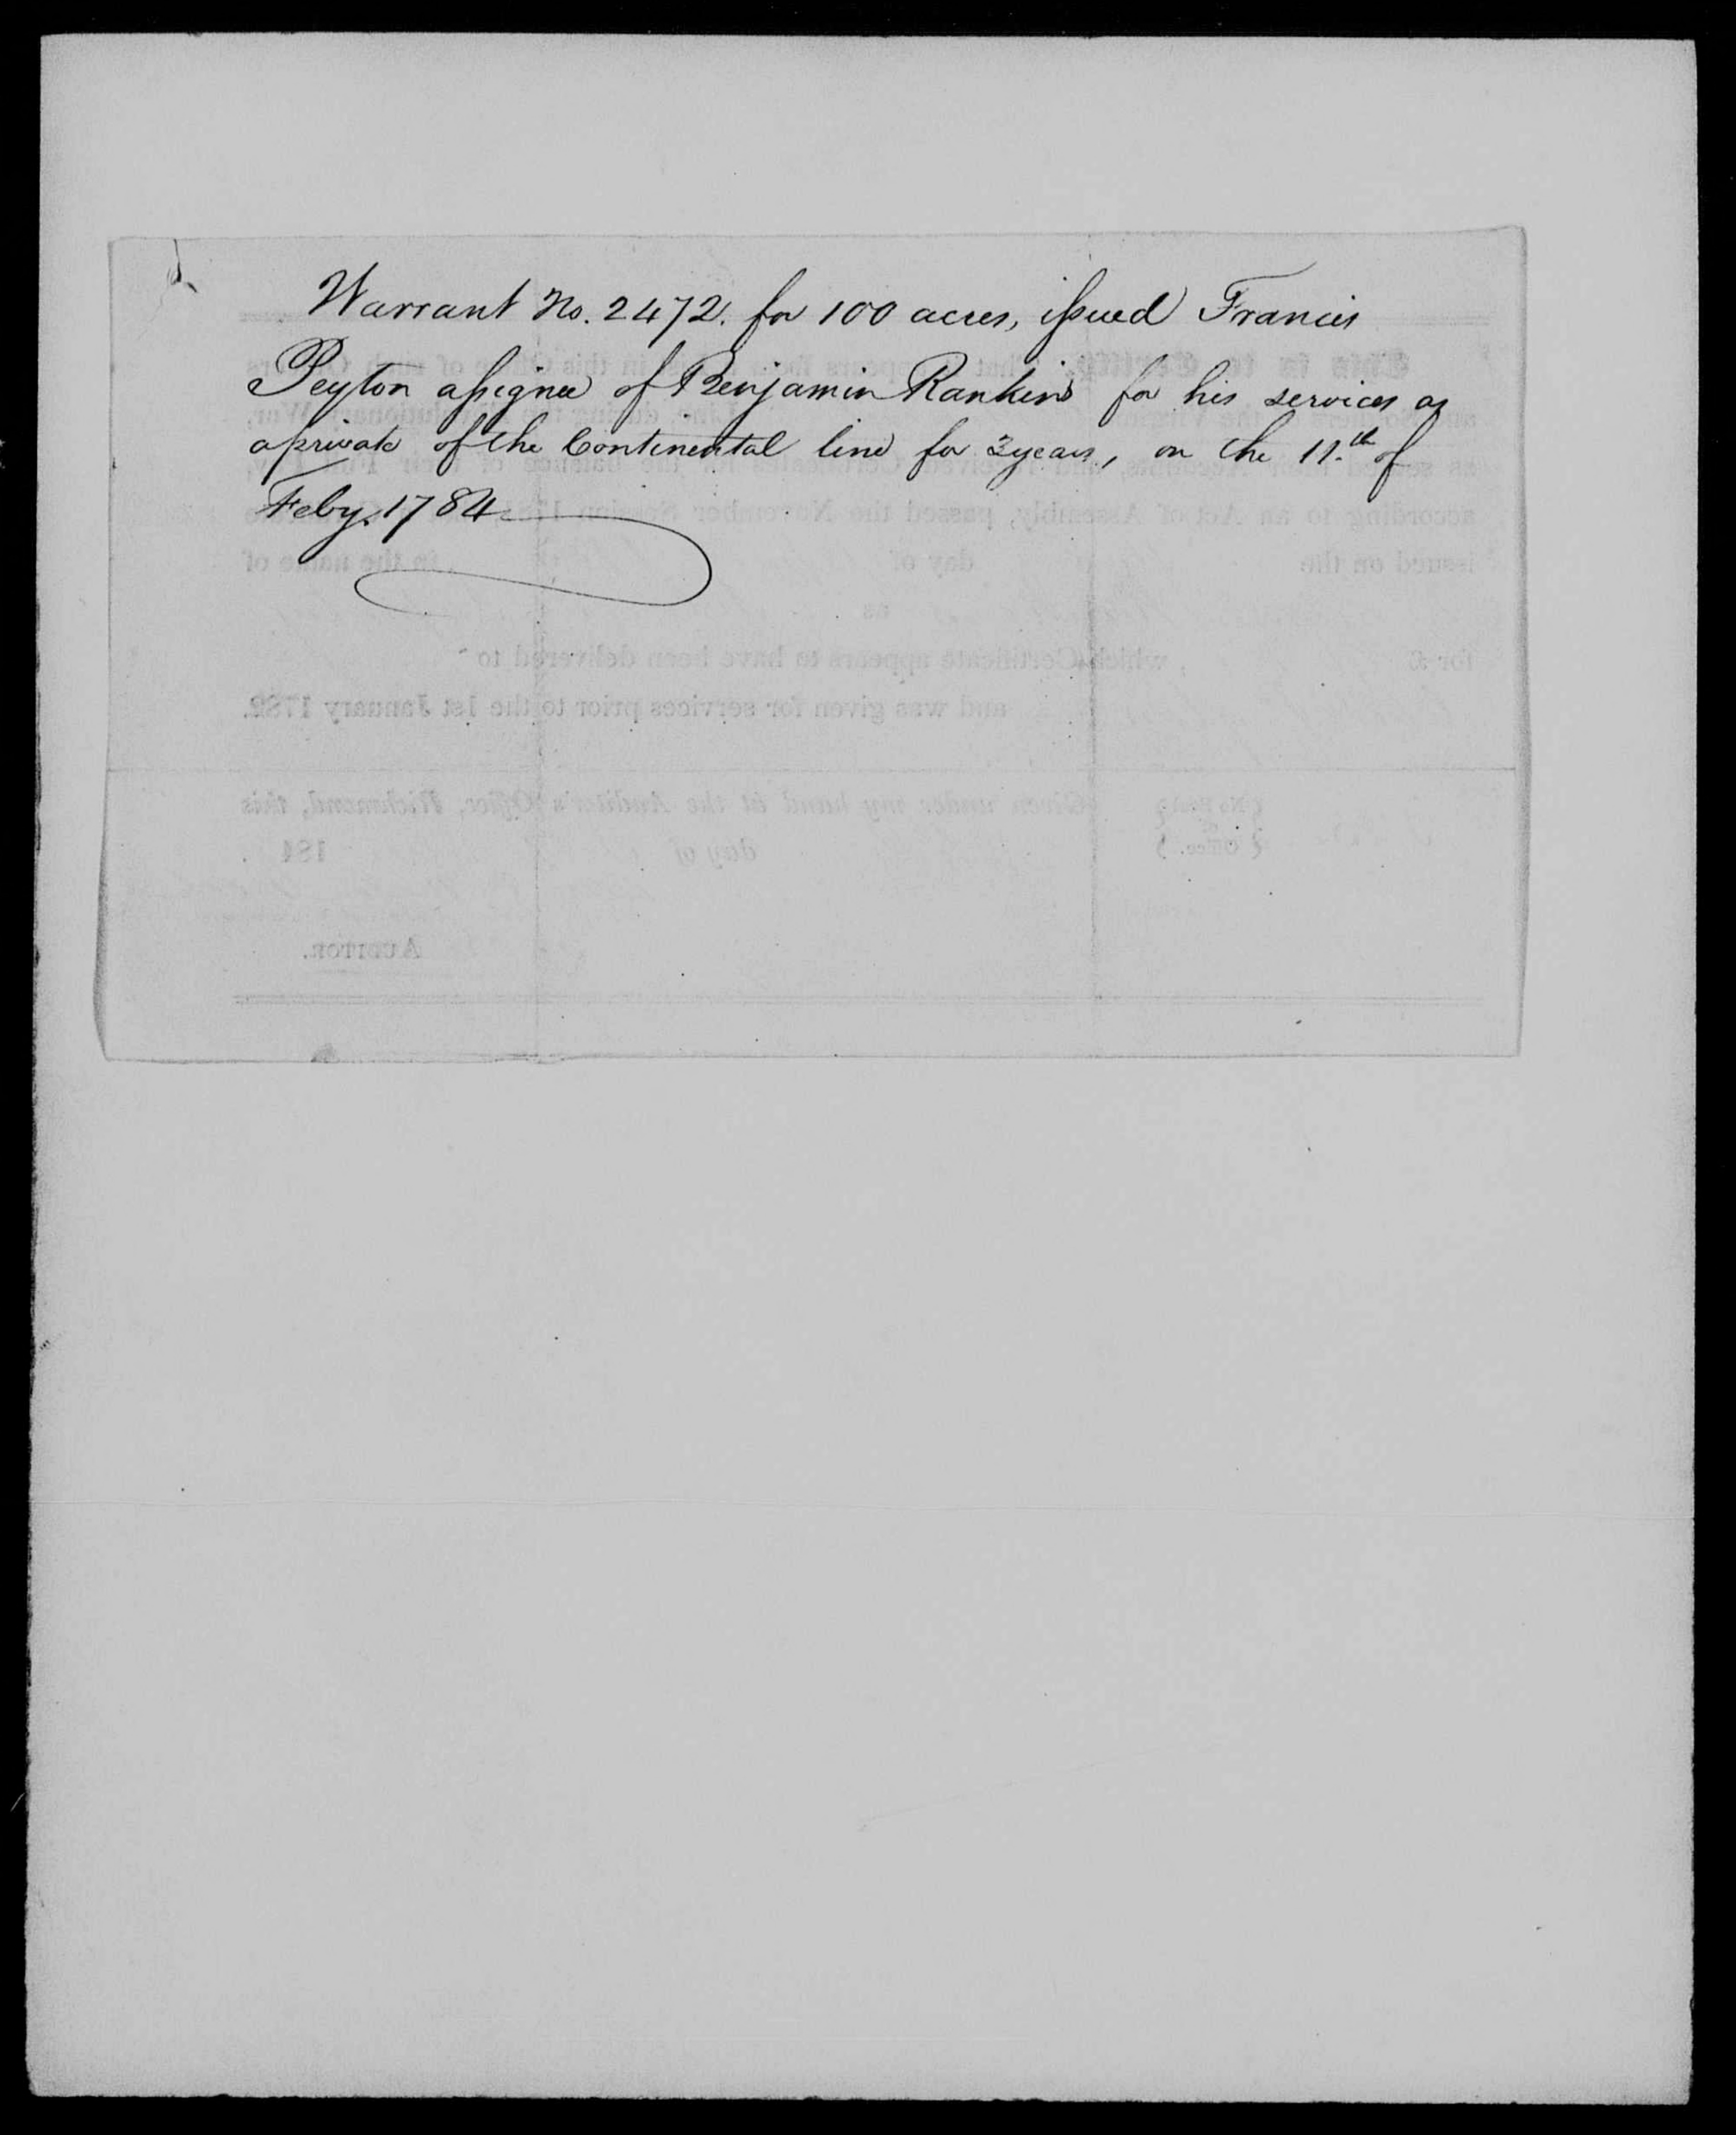Warrant No. 2472, for 100 acres, issued Francis
Peyton assignee of Benjamin Rankins for his services as a private of the Continental line for 3 years, on the 11th of Feby. 1784.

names: Benjamin Rankins, Francis Peyton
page: 24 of 84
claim: widow's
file: W. 7744, Daniel Hickey, Penn.